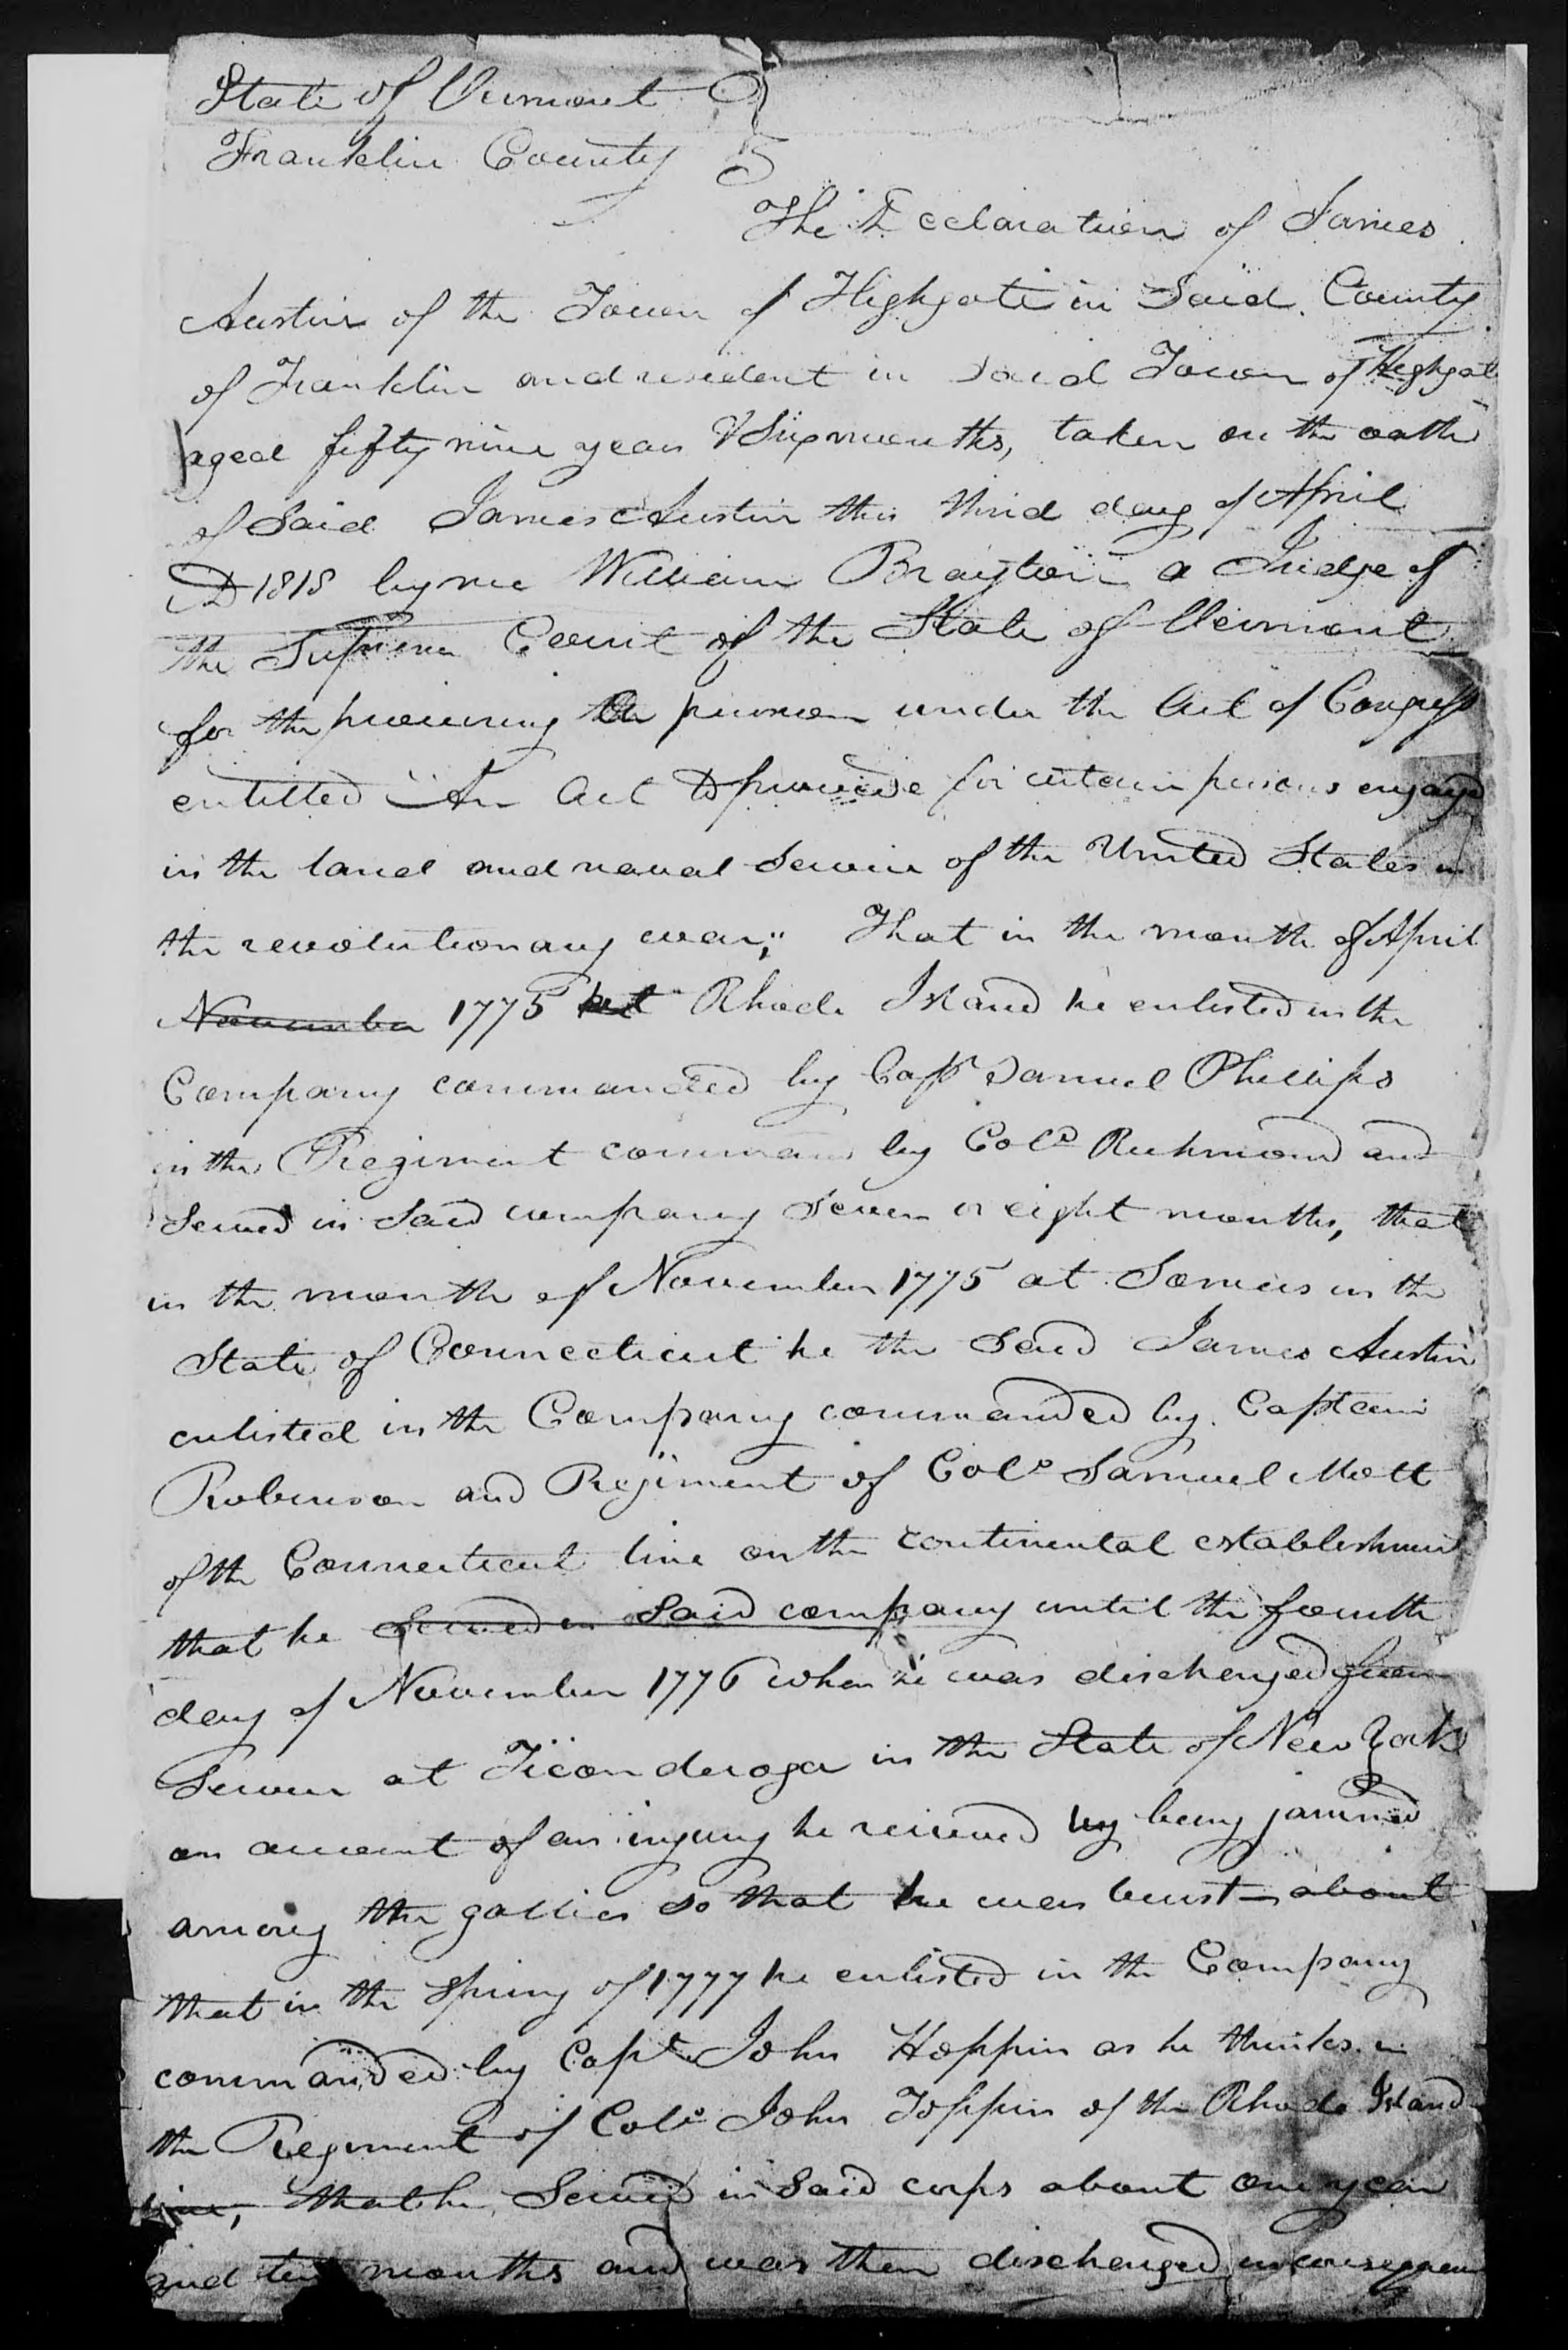State of Vermont
Franklin County
The declaration of James Austin of the Town of Highgate in said county of Franklin and resident in said town of Highgate aged fifty nine years
taken on the oath of said James Austin this third day of April 1818 by me William Brayton a Judge of the Supreme Court of the State of Vermont for the preceding pension under the Act of Congress entitled "An Act to provide for certain persons engaged in the land and naval Service of the United States in the revolutionary war," that in the month of April 1775 Rhode Island he enlisted Company commanded by Capt Samuel Phillips in the regiment commanded by Col Richmond and served in said company seven or eight months, that in the month of November 1775 at [illegible] in the State of Connecticut he the said James Austin enlisted in the company commanded by Captain Robinson and Regiment of Col Samuel Mott of the Connecticut line on the continental establishment that he served in said company until the fourth of November 1776 when he was discharged from service at Ticonderoga in the state of New York on account of an injury he received by being jammed among the gallies so that he was bent - about that in the Spring of 1777 he enlisted in the company commanded by Capt John Hoppin he in the Regiment of Col John Topham of the Rhode Island corps, that he served in said corps about one year and ten months and was then discharged in consequence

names: James Austin, William Brayton, Samuel Phillips, Samuel Mott, James Austin, John Hoppin, John Toppin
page: 45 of 100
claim: survivor's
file: S 19186, James Austin, Conn. New York R.I.